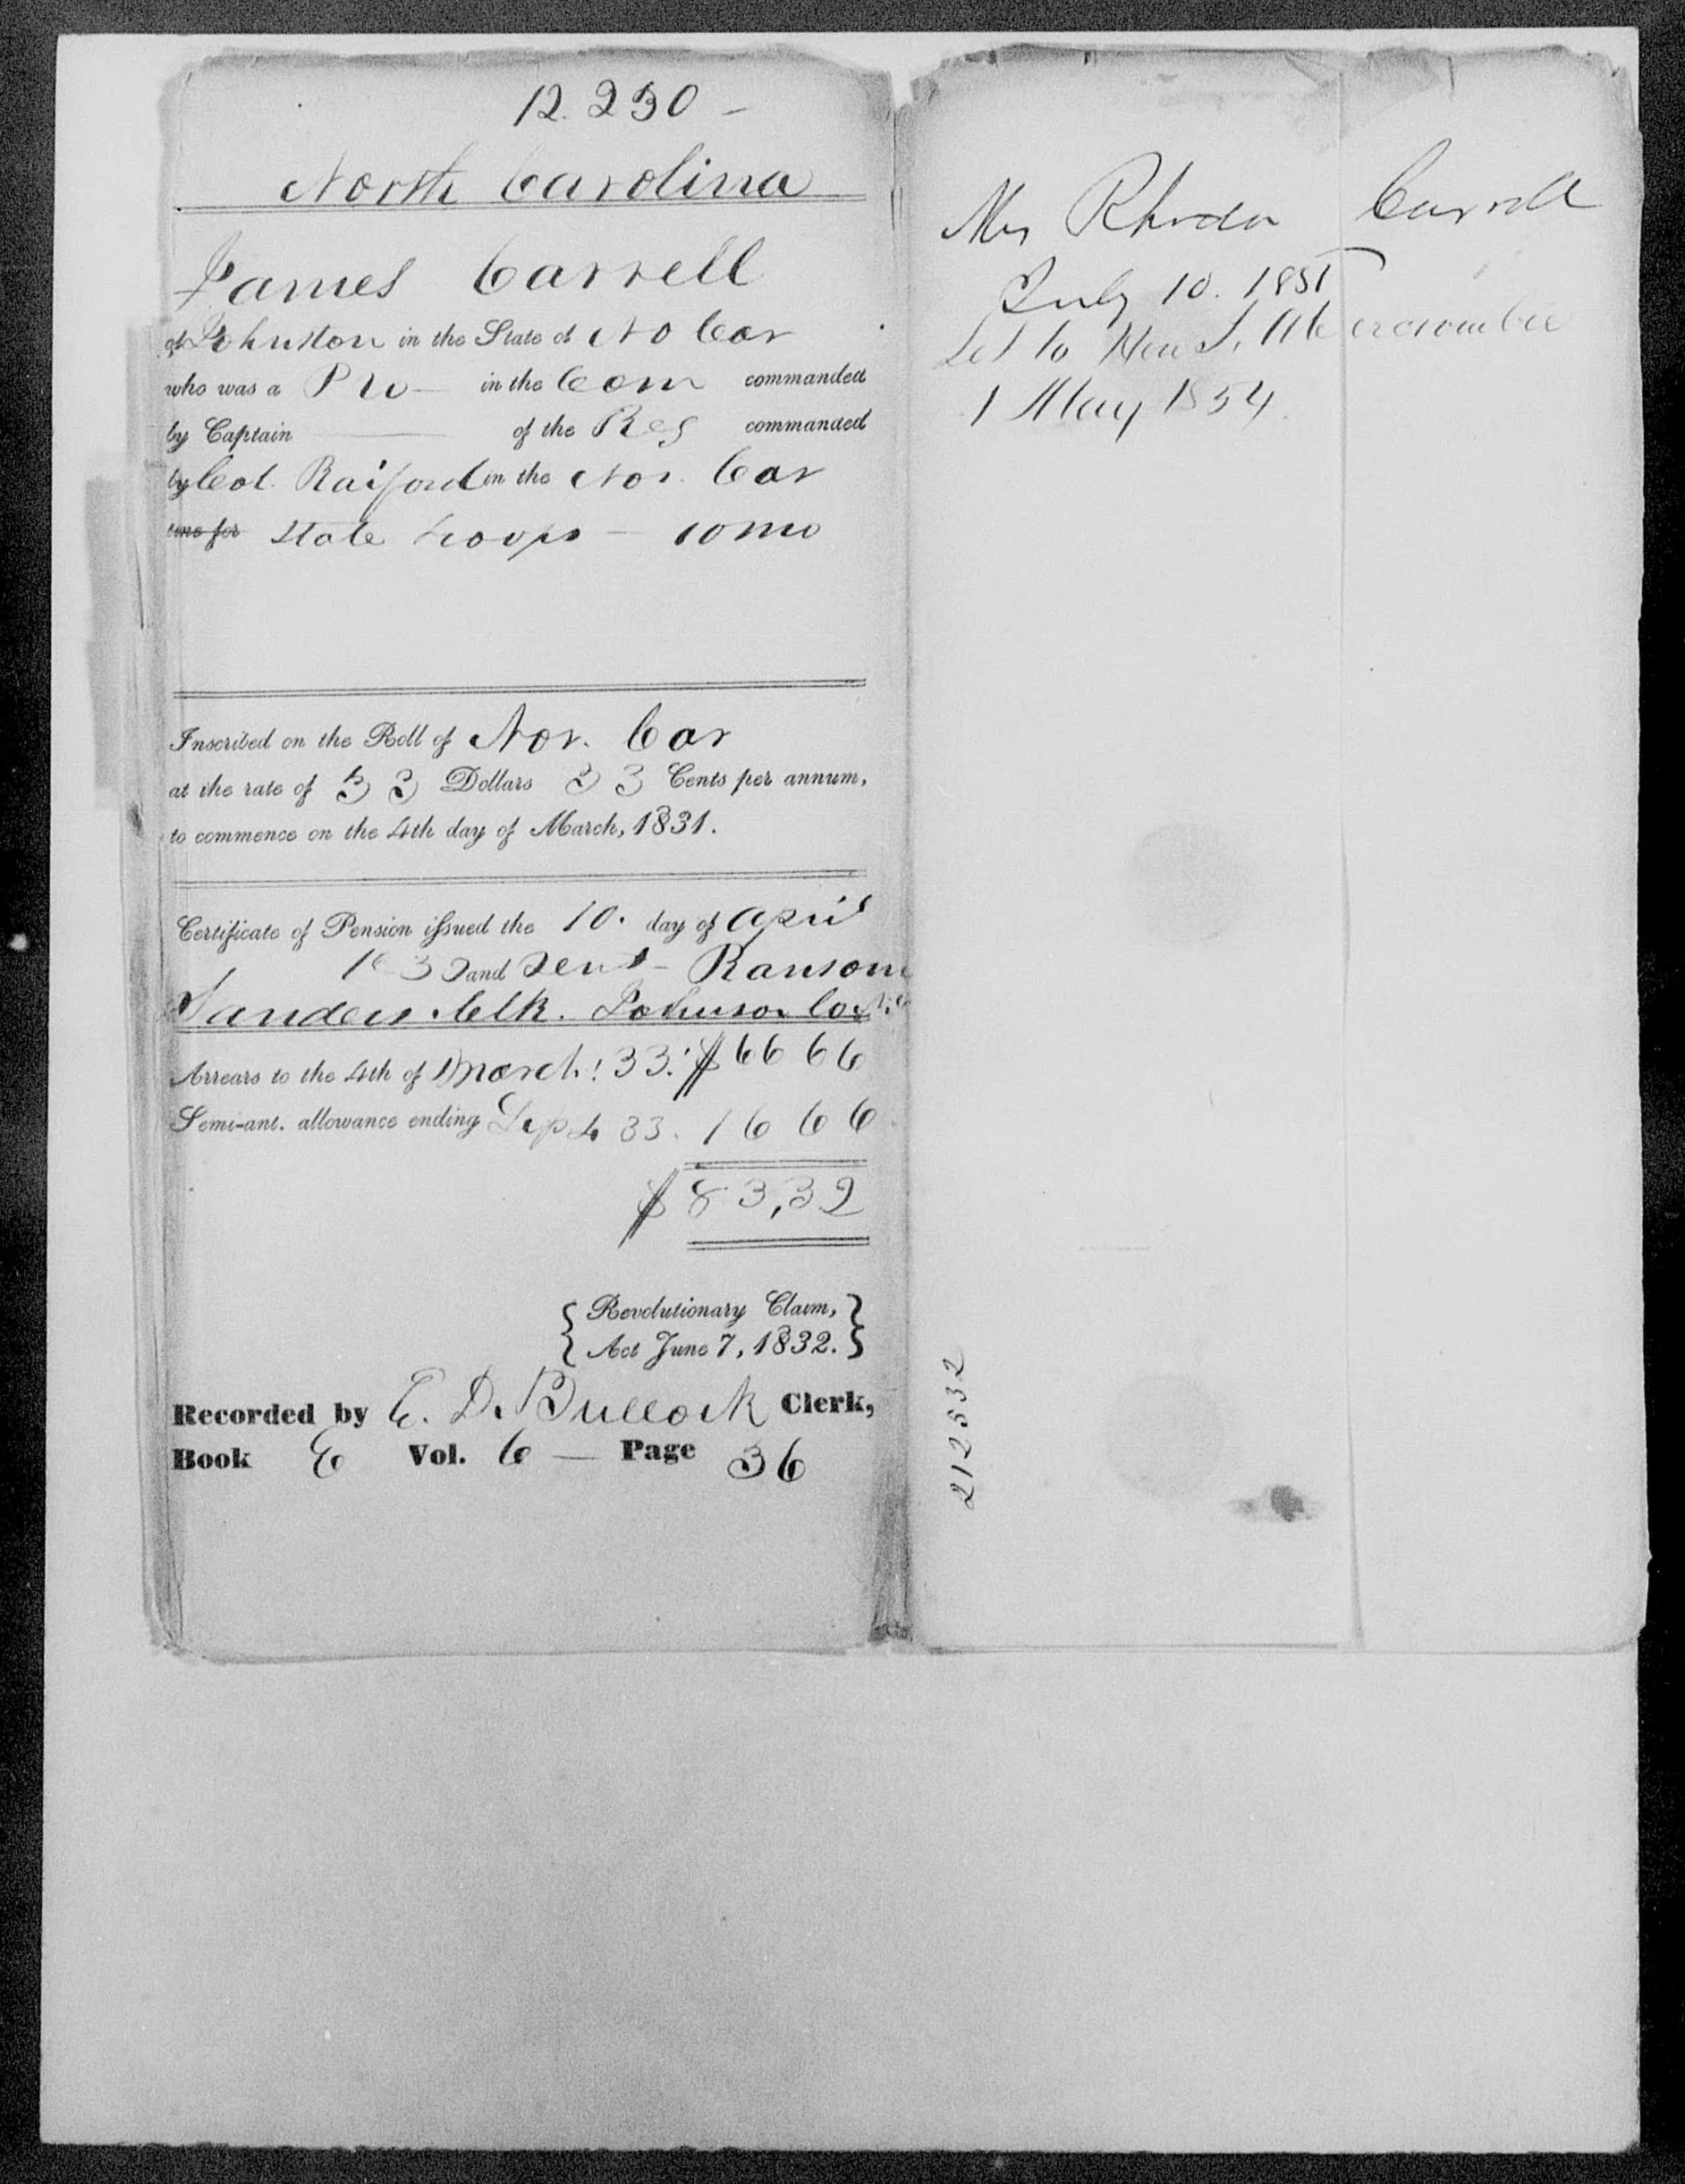[left side of page]
12.230
North Carolina
James Carrell
Of Johnston in the State of No Car
who was a pri n the com commanded 
by Captain------ of the regiment commanded
by Col. Raiford in the Nor Car
[crossed out- line for] State troops - 10 mo

Inscribed on the Roll of Nor. Car
at the rate of 33 Dollars 33 cents per annum,
to commence on th e 4th day of March, 1831.

Certificate of Pension issued the 10 day of April
[illegible] and sent Ransom
Sanders Clk Johnson Co. N.C.

Arrears to the 4th March : 33:   $66.66
Semi- anl. Allowance ending Sep [illegible] 33  $16.66
$83.32

{Revolutionary Claim, Act June 7, 1832.}
Recorded by E.D. Bullock Clerk,
Book E Vol. 6 Page 36

[right side of page]
Mrs. Rhoda Carrell
July 10. 1851
Set to Hon. J Abercrombie
1 May 1534

212532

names: E D Bullock, Rhoda Carroll, James Carrell, Ransom Sanders, Raiford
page: 2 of 86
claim: widow's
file: W. 6899, James Carrell, N.C.